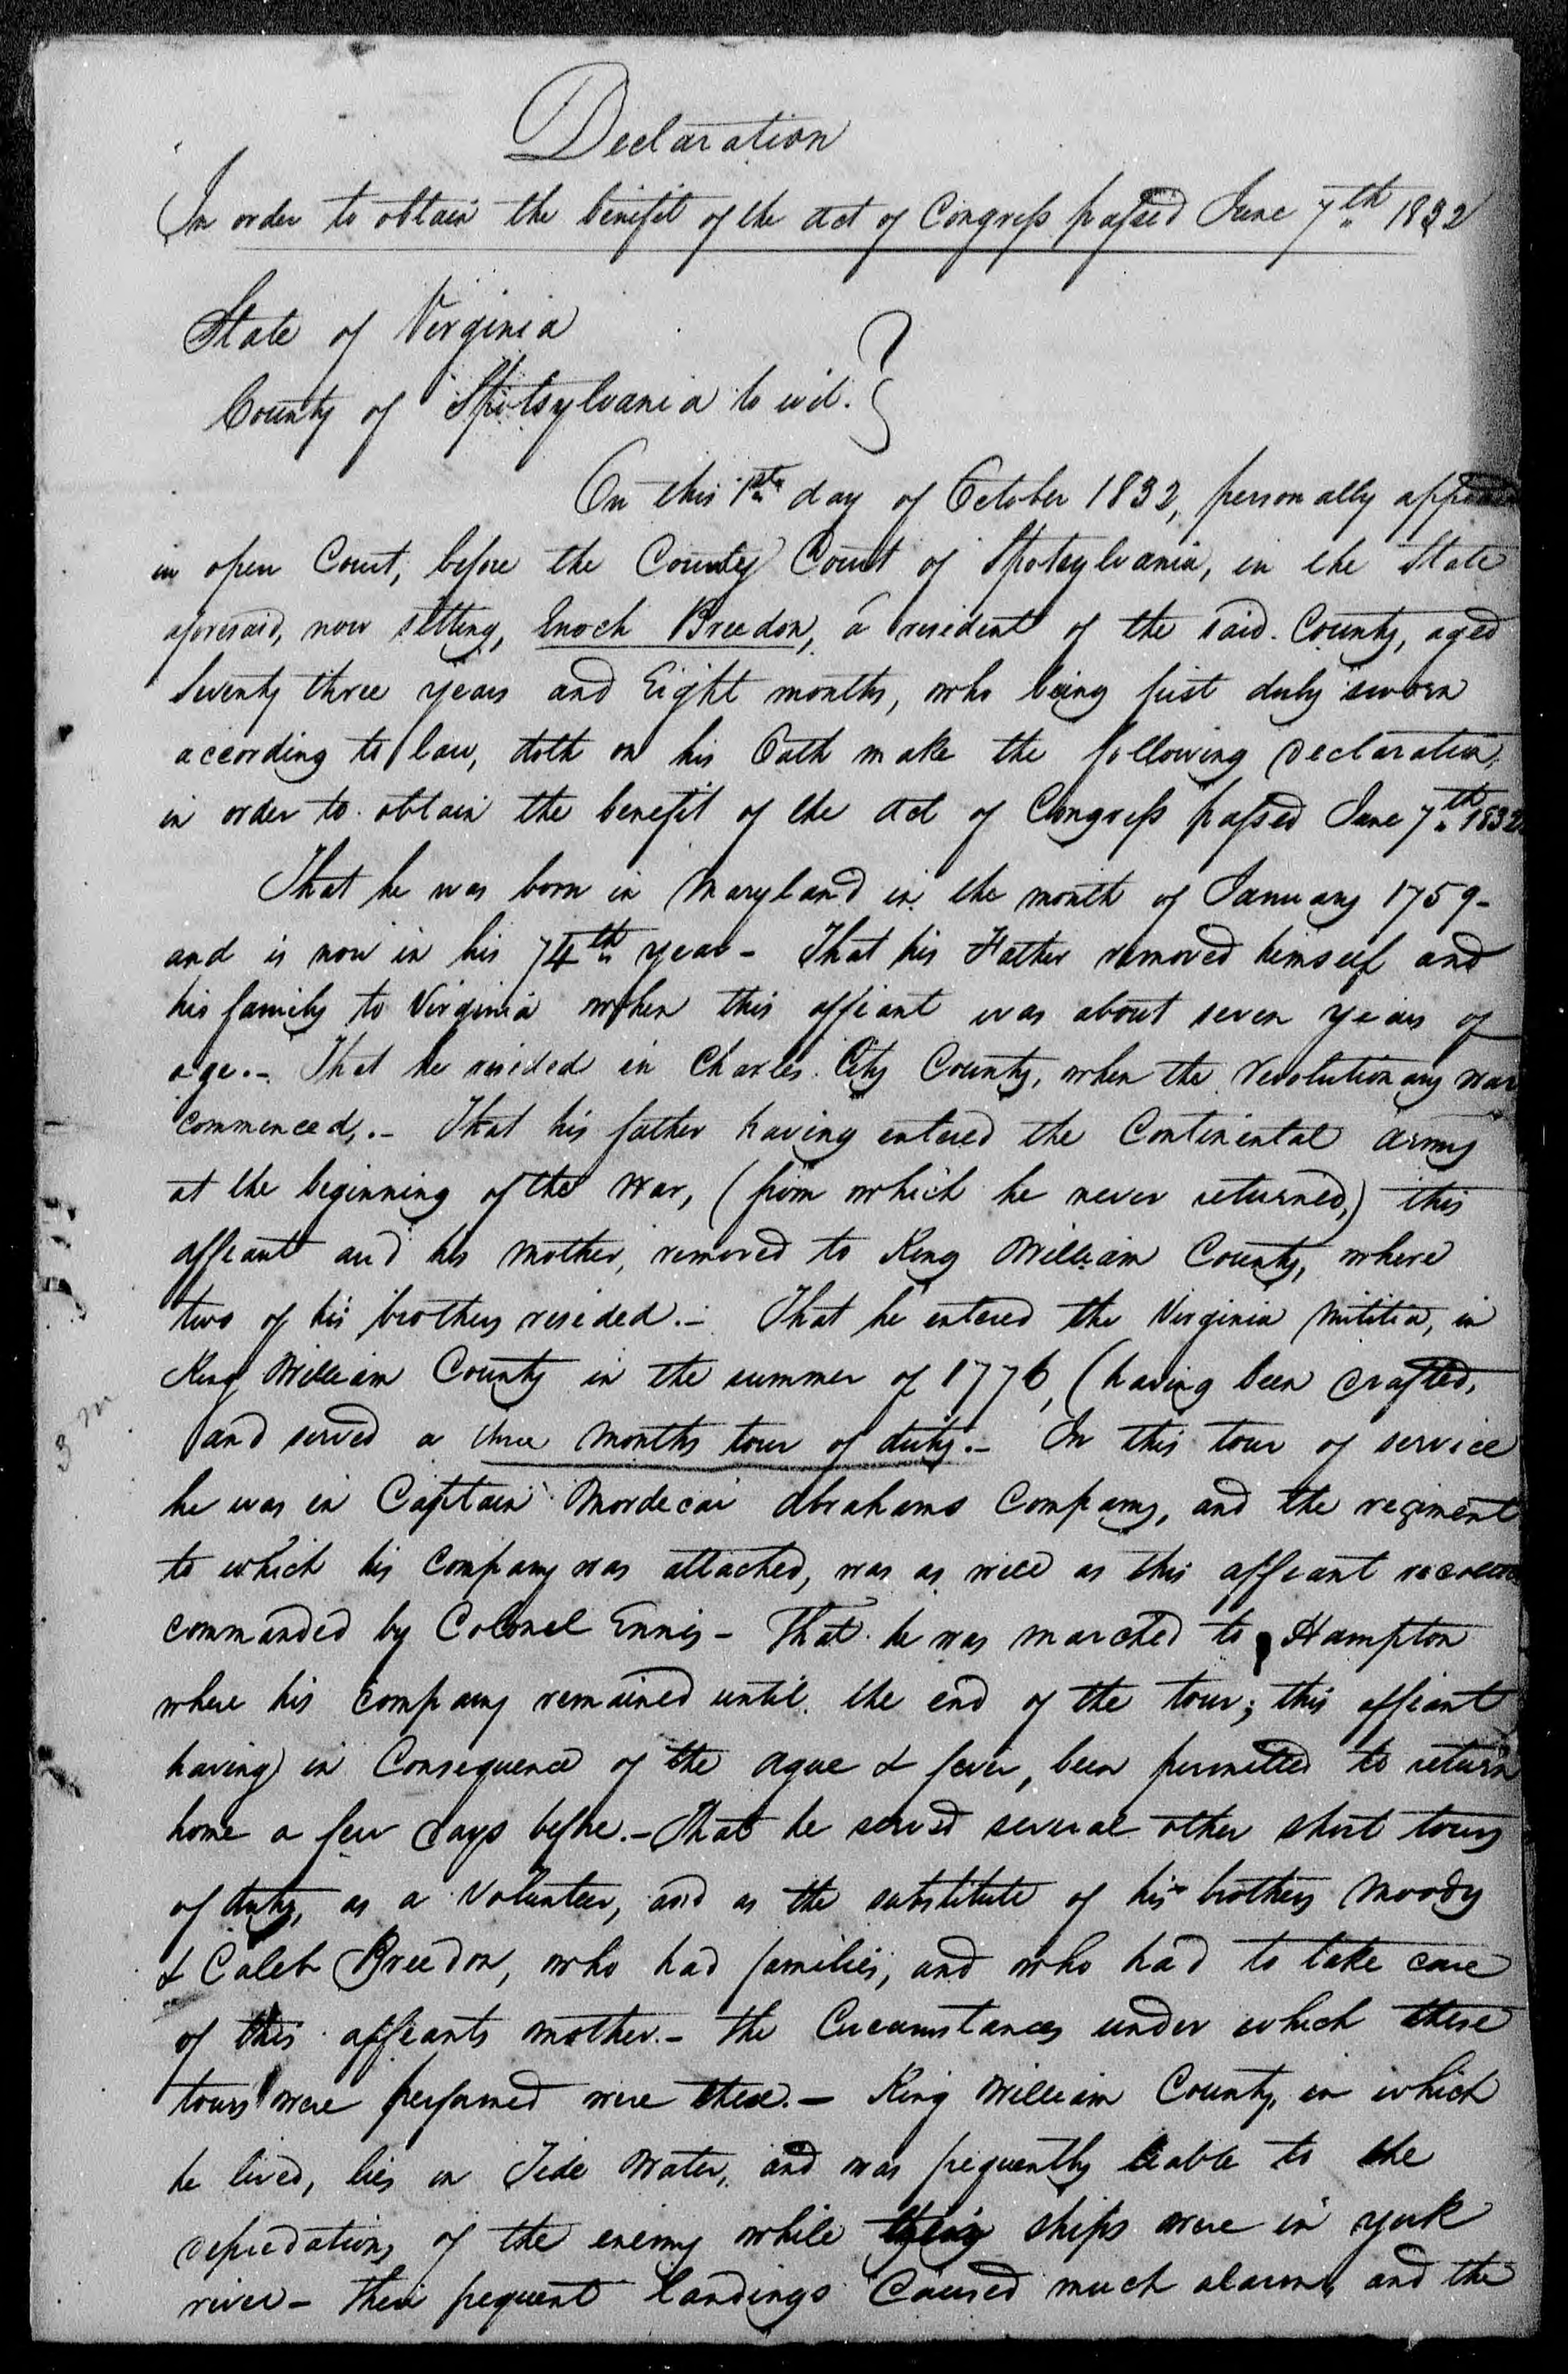Declaration 
In order to obtain the benefit of the act of Congress passed June 7th 1832

State of Virginia 
County of Spotsylvania to wit. 

On this 1st day of October 1832, personally appear in open Court, before the County Court of Spotsylvania, in the State aforesaid, now sitting, Enoch Breedon, a resident of the said County, aged Seventy three years and Eight months, who being first duly sworn according to law, doth on his Oath make the following declaration in order to obtain the benefit of the act of Congress passed June 7th 1832

That he was born in Maryland in the month of January 1759 and is now in his 74th year - That his Father removed himself and his family to Virginia when this affiant was about seven years of age. That he resided in Charles City County, when the revolutionary war commenced. That his father having entered the Continental Army at the beginning of the War, (from which he never returned,) this affiant and his mother, removed to King William County, where two of his brothers resided. That he entered the Virginia Militia, in King William County in the summer of 1776, (having been drafted, and served a three months tour of duty. In this tour of service he was in Captain Mordecai Abrahams Company, and the regiment to which his company was attached, was as well as this affiant recollect commanded by Colonel Ennis. That he was marched to Hampton where his company remained until the end of the tour, this affiant having in consequence of the ague & fever, been permitted to return home a few days before. That he served several other short tours of duty as a volunteer, and as the substitute of his brothers Moody and & Caleb Breedon, who had families, and who had to take care of this affiants mother. the Circumstances under which these tour were performed were there-- King William County in which he lived, his in Tide Water, and was frequently able to the depredations of the enemy while the ships were in York river their frequent landing caused much alarm, and the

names: Moody, King William, Ennis, Caleb Breedon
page: 3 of 27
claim: survivor's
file: S. 1747, Enoch Breeden, Va.